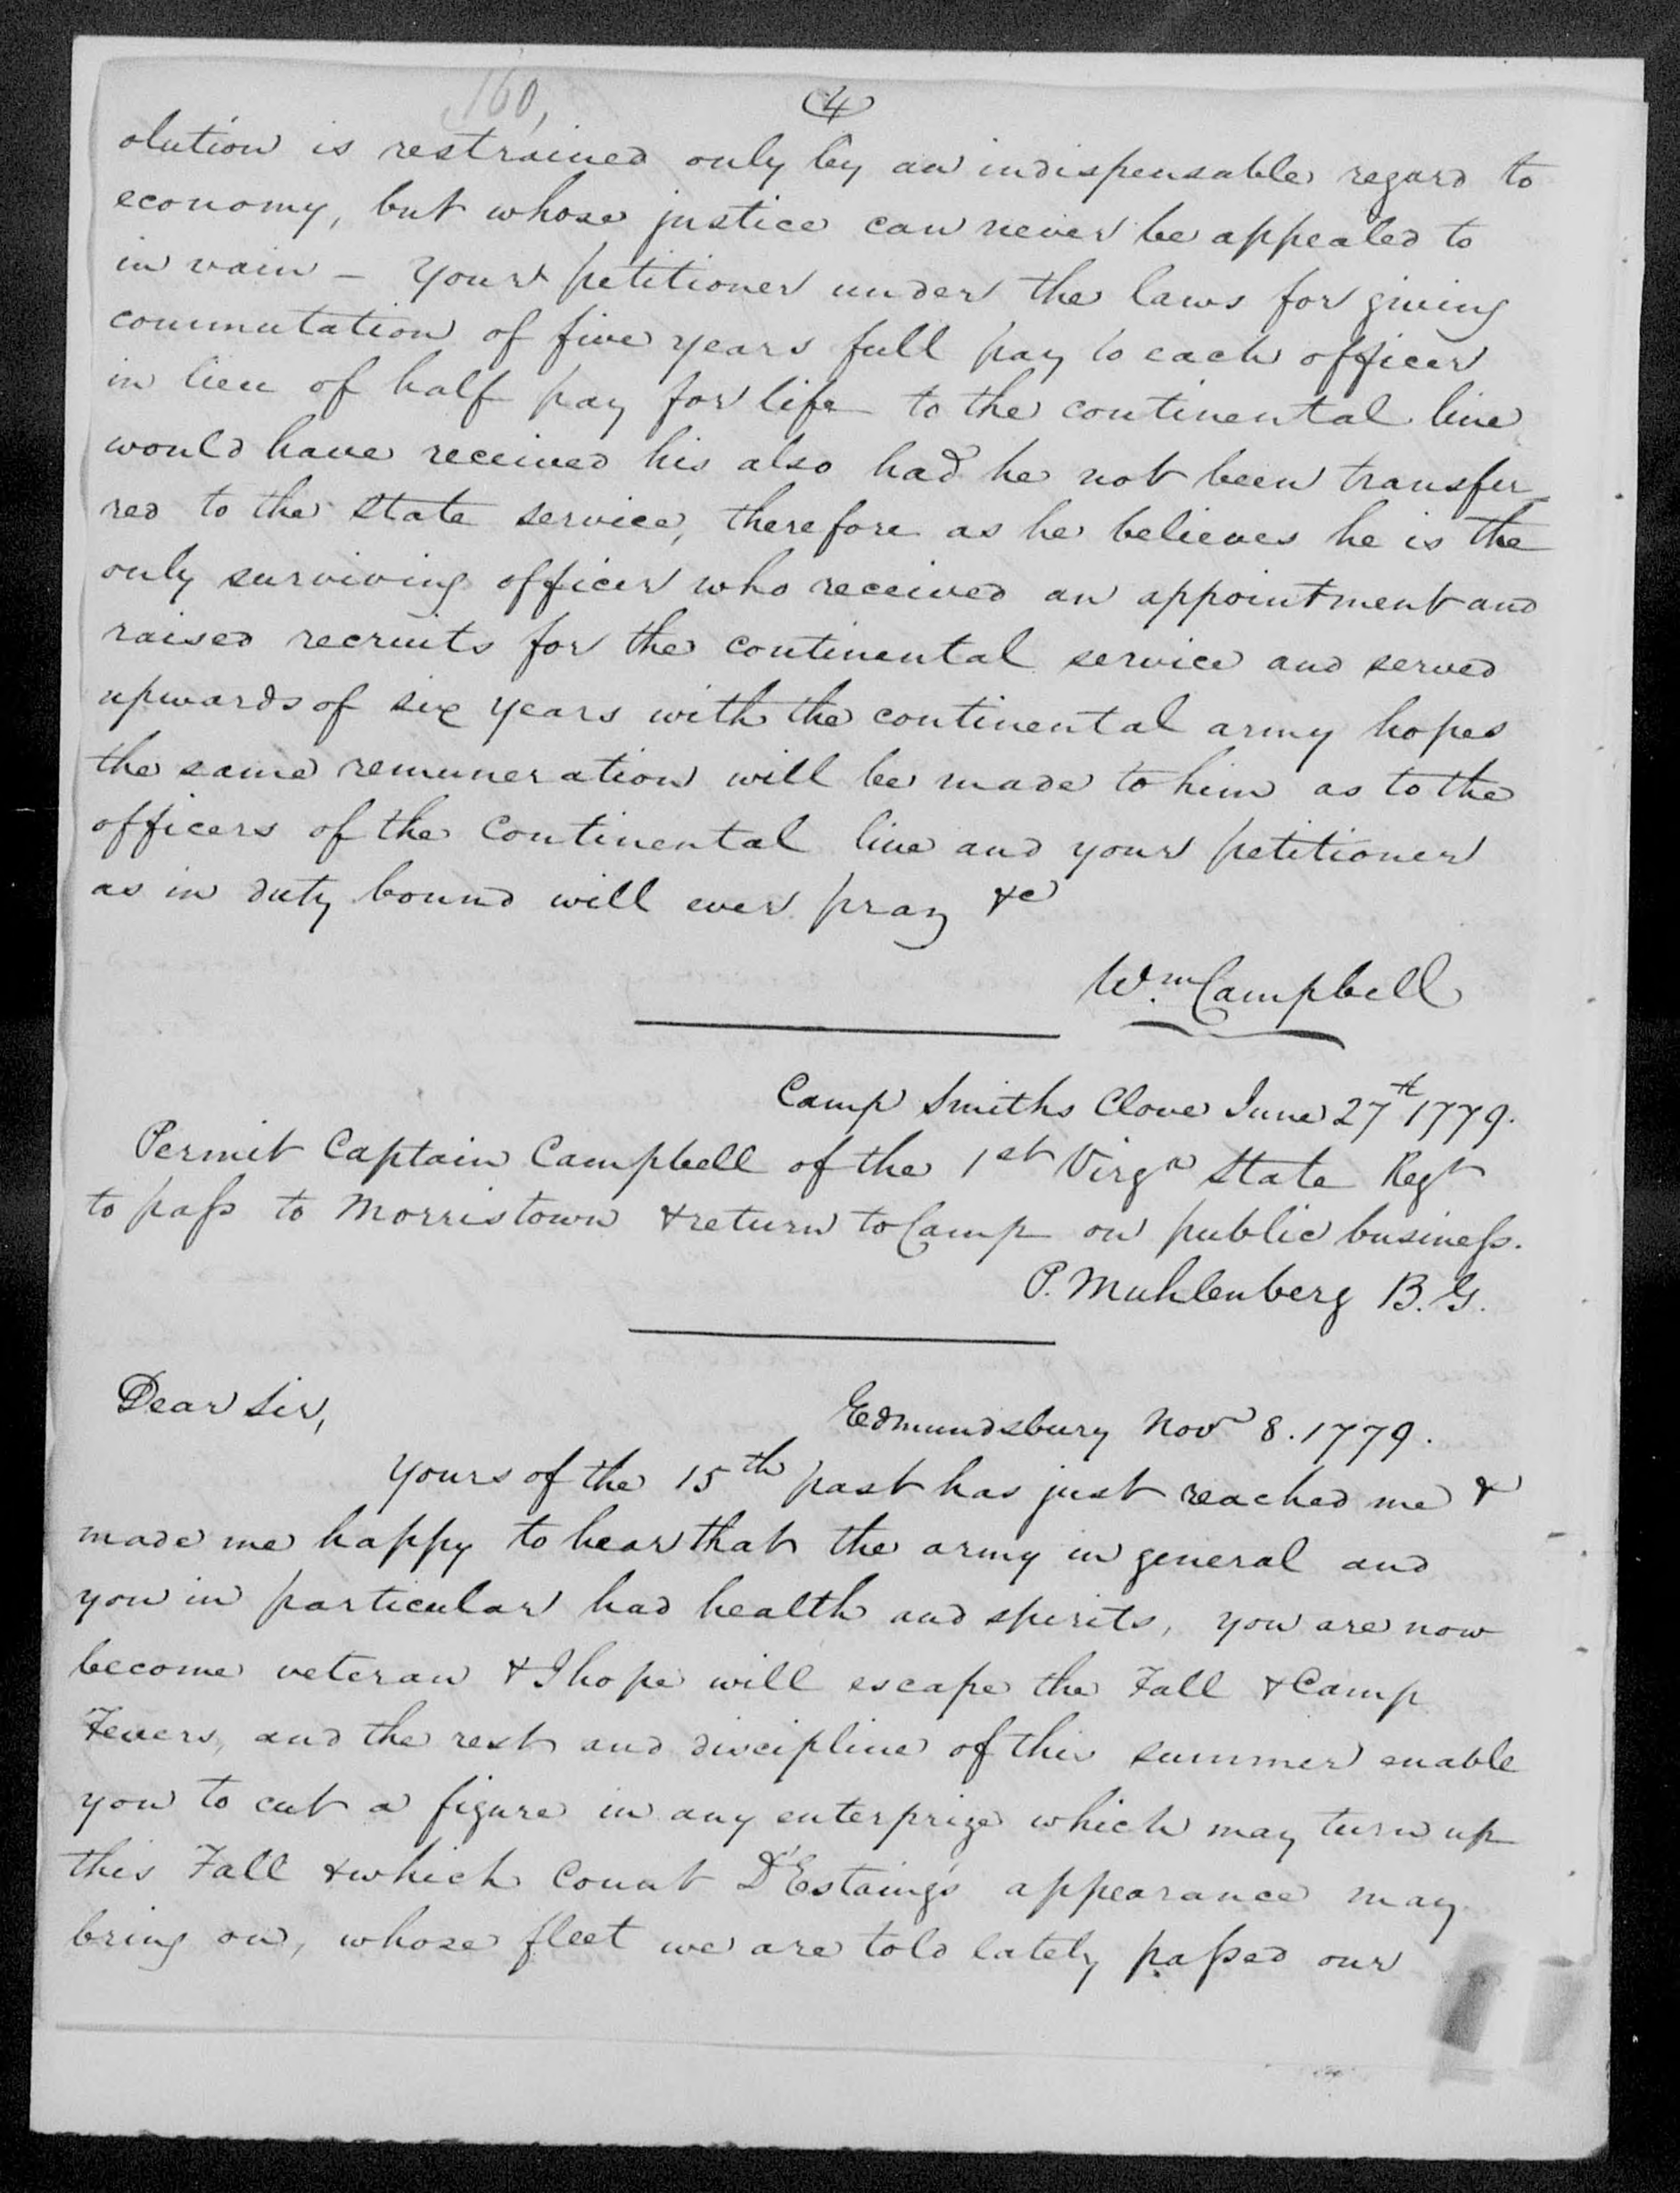(160).   (4)
olution is restrained only by an indispensable regard to economy, but whose justice can never be appealed to in vain --  Your petitioner under the laws for giving commutation of five years full pay to each officer in lieu of half pay for life to the continental line would have received his also had he not been transferred to the state service, therefore as he believes he is the only surviving officer who received an appointment and raised recruits for the continental service and served upwards of six years with the continental army hoped the same remuneration will be made to him as to the officers of the Continental line and your petitioner as in duty bound will ever pray +c [et cetera]
Wm Campbell
___________________

Camp Smiths Clove June 27th 1779
Permit Captain Campbell of the 1st Virga State Regt to pass to Morristown +[and] return to Camp on public business.
P. Muhlenberg B.G.
____________________

Edmundsbury Nov. 8. 1779
Dear Sir,
Yours of the 15th past has just reached me +[and] made me happy to hear that the army in general and you in particular had health and spirits, you are now become veteran +[and] I hope will escape the Fall +[and] Camp Fevers, and the rest and discipline of this summer enable you to cut a figure in any enterprise which may turn up this Fall +[and] which Count D'Estaing's appearance may bring on, whose fleet we are told lately passed our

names: Wm Campbell, P Muhlenberg, Campbell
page: 6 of 267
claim: widow's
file: W. 4,149, William Campbell, Va.